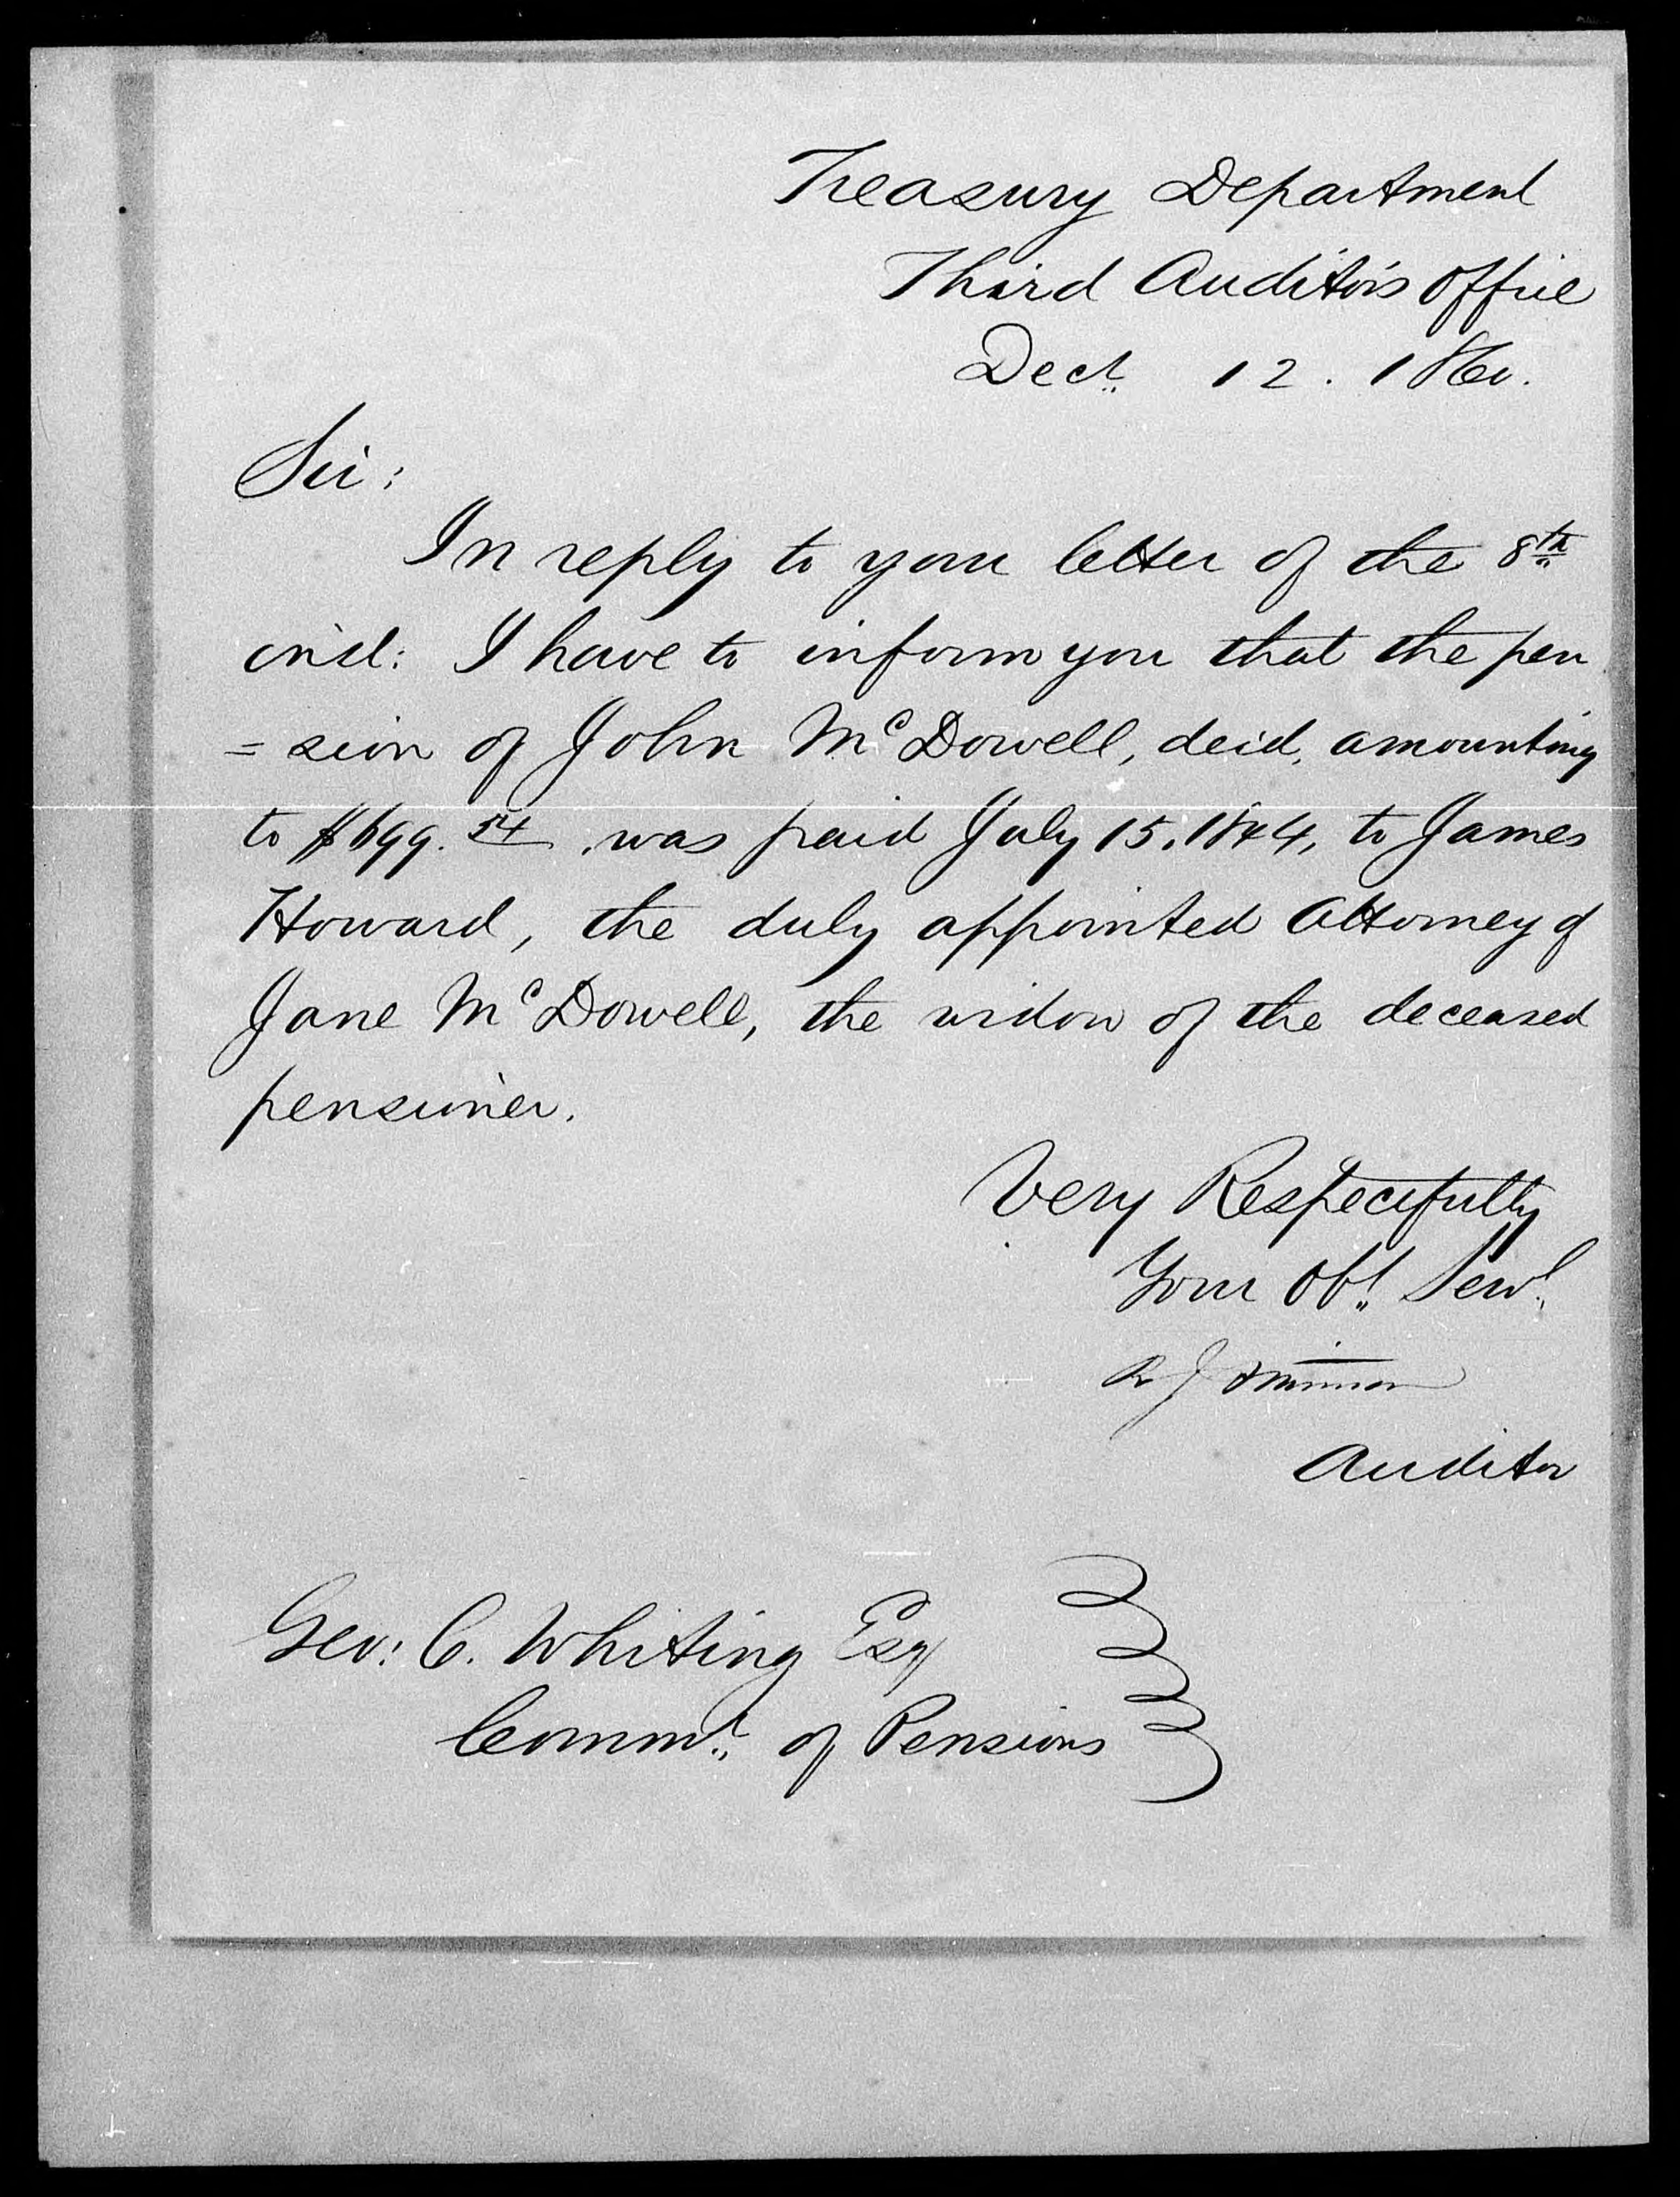Treasury Department
Third Auditor's Office
Dec 12 1860

Sir;
In reply to your letter of the 8th
[illegible] I have to inform you that the 
pension of John McDowell, died, amounting
to $699.54 was paid July 15, 11 &4, to James
Howard, the duly appointed attorney of
Jane McDowell, the widow of the deceased
pensioner.
 Very Respectfully
your obt. serv.
(illegible signature]
Auditor

Gen. C. Whiting Esq.
Comm. of Pensions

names: Jane Mc Dowell; James Howard; Geo C Whiting; John Mc Dowell; R J Atkinson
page: 21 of 47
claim: survivor's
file: S. 30578, for John Mc Dowell, Virginia